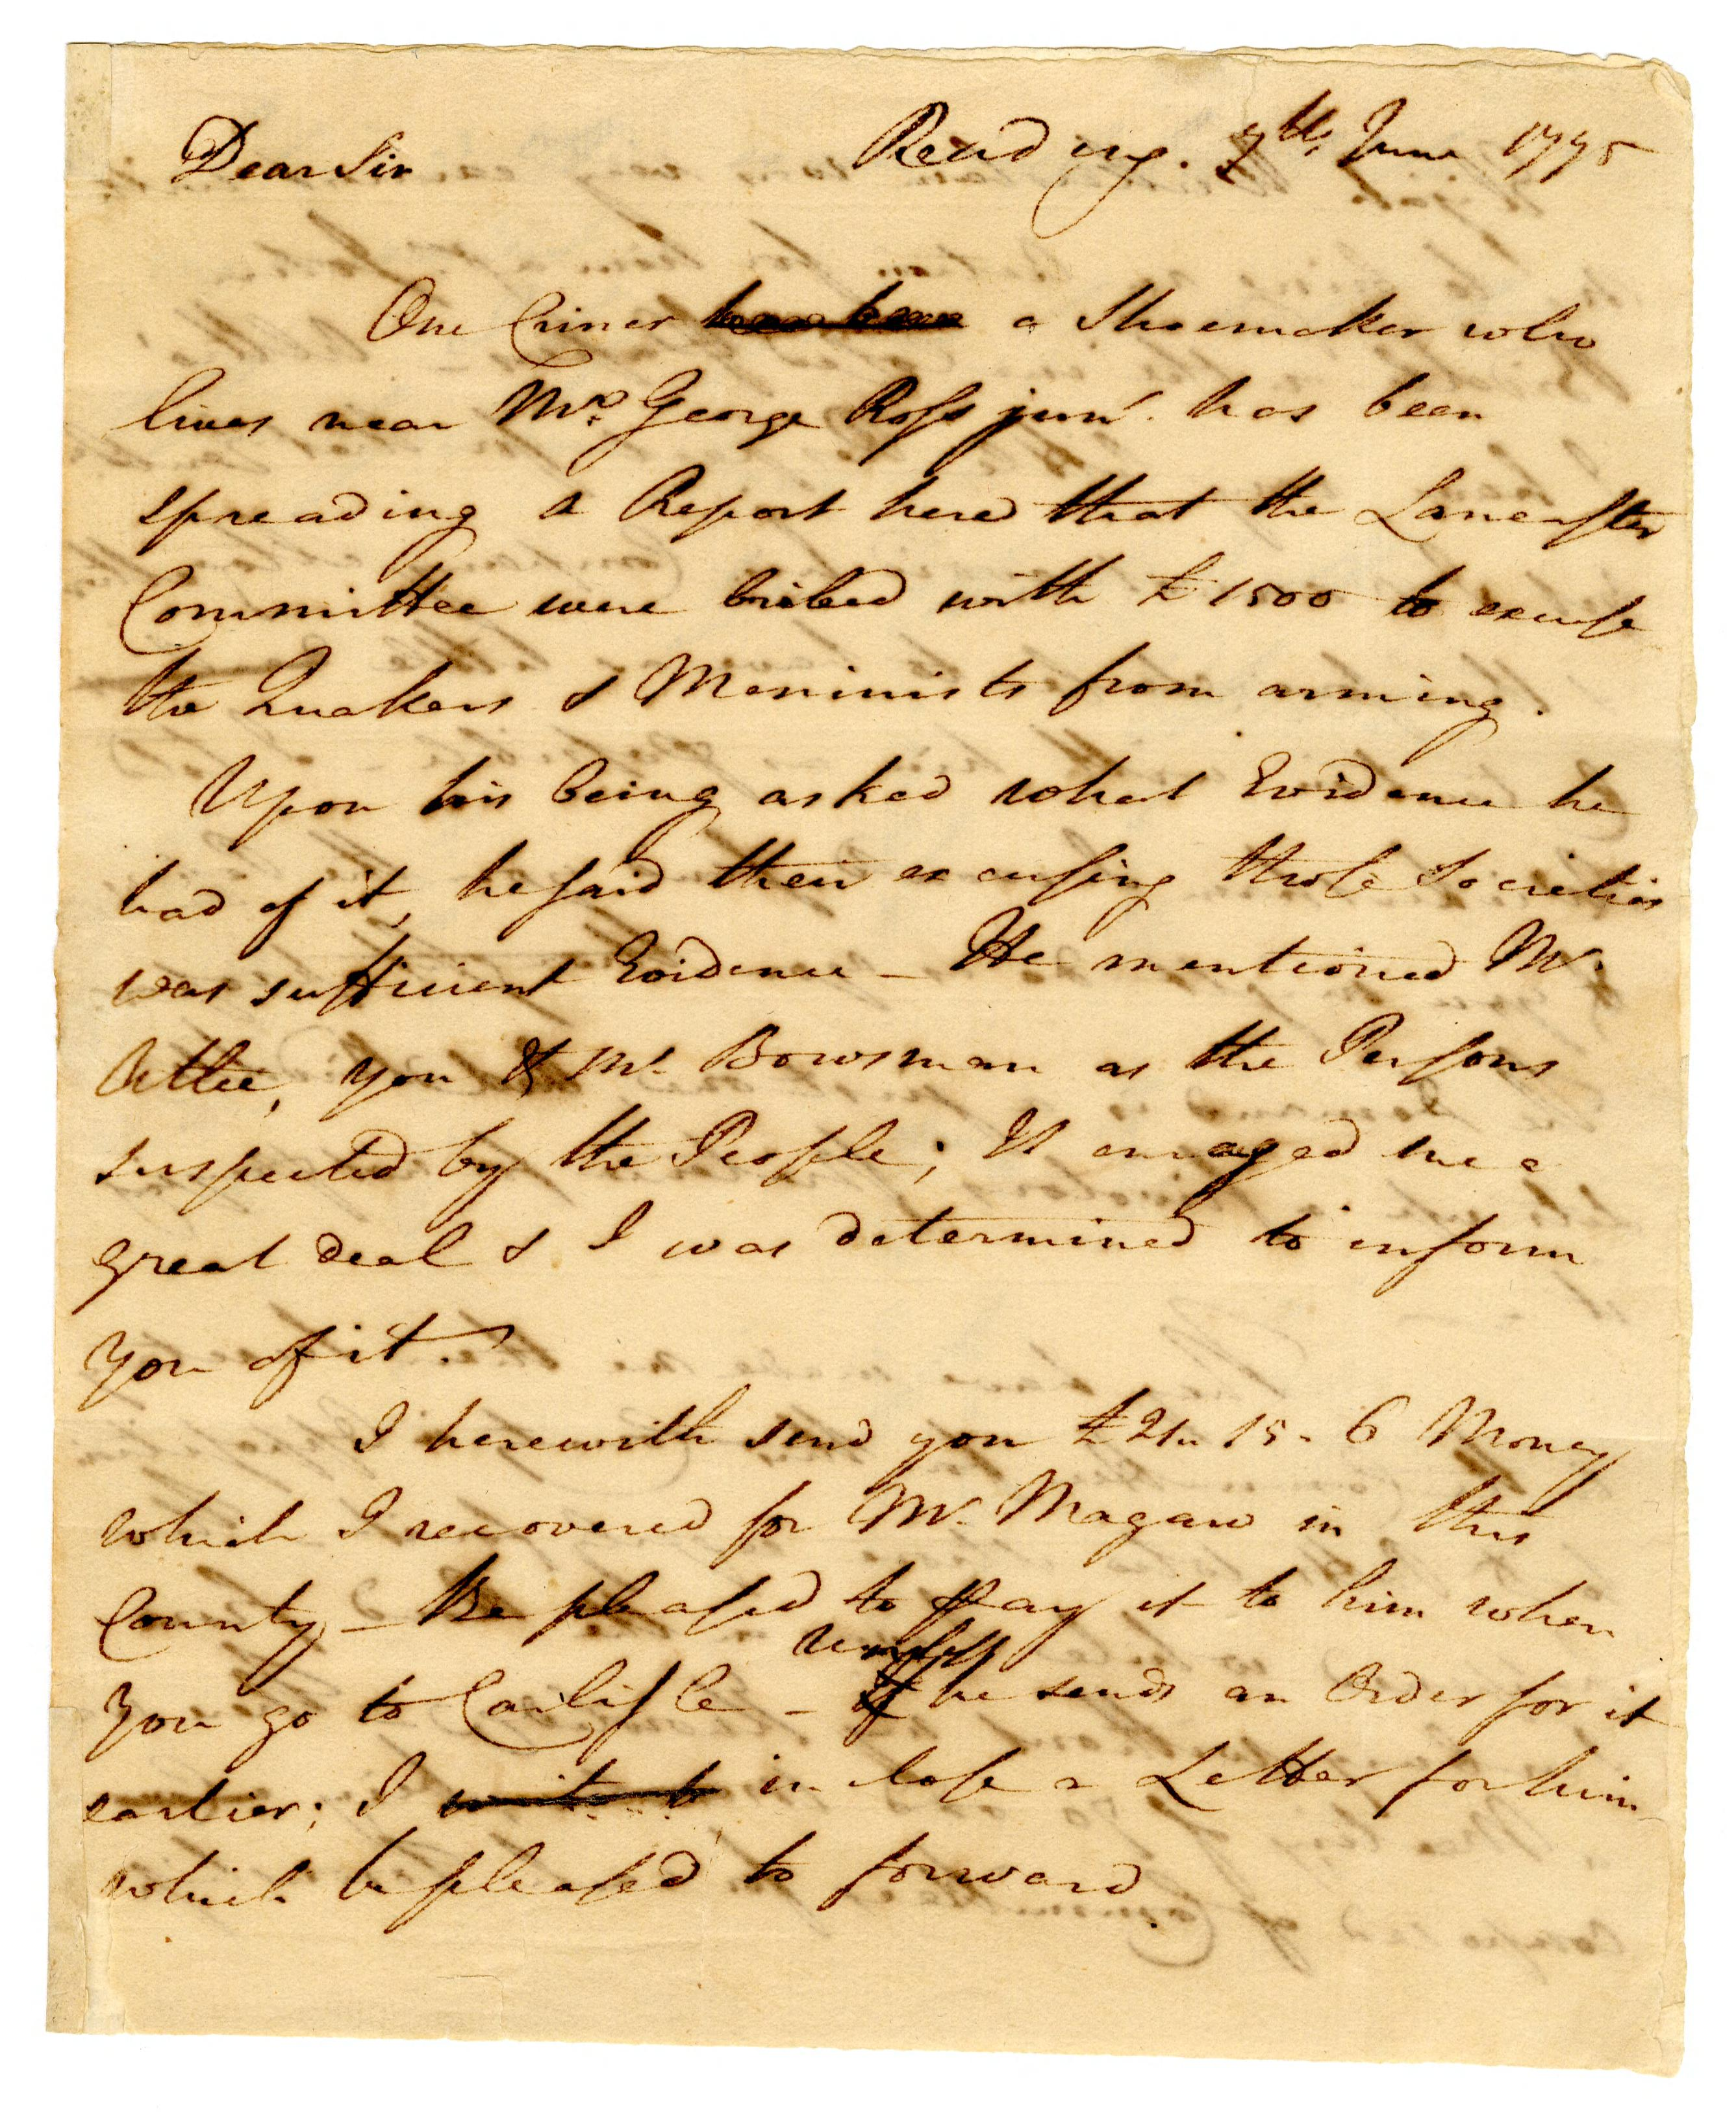Reading. 7^th June. 1775.
Dear Sir
One Criner [_______] a Shoemaker who
lives near M^rs. George Ross jun^r. has been
spreading a Report here that the Lancaster
Committee were bribed with £1500 to excuse
the Quakers & Meninists from arming
Upon his being asked what Evidence he
had of it, he said their excusing those societies
was sufficient Evidence. He mentioned M^r
Atlee, You & M^r Bowsman as the Persons
suspected by the People; It enraged me a
great deal & I was determined to inform
You of it.
I herewith send you £21. 19. 6 Money
which I recovered for M^r. Magar in this
County. Be pleasd to pay it to him when
You go to Carlisle- [if] he send an order for it
unless
earlier; I [write to] inclose a Letter for him
which be pleased to forward.